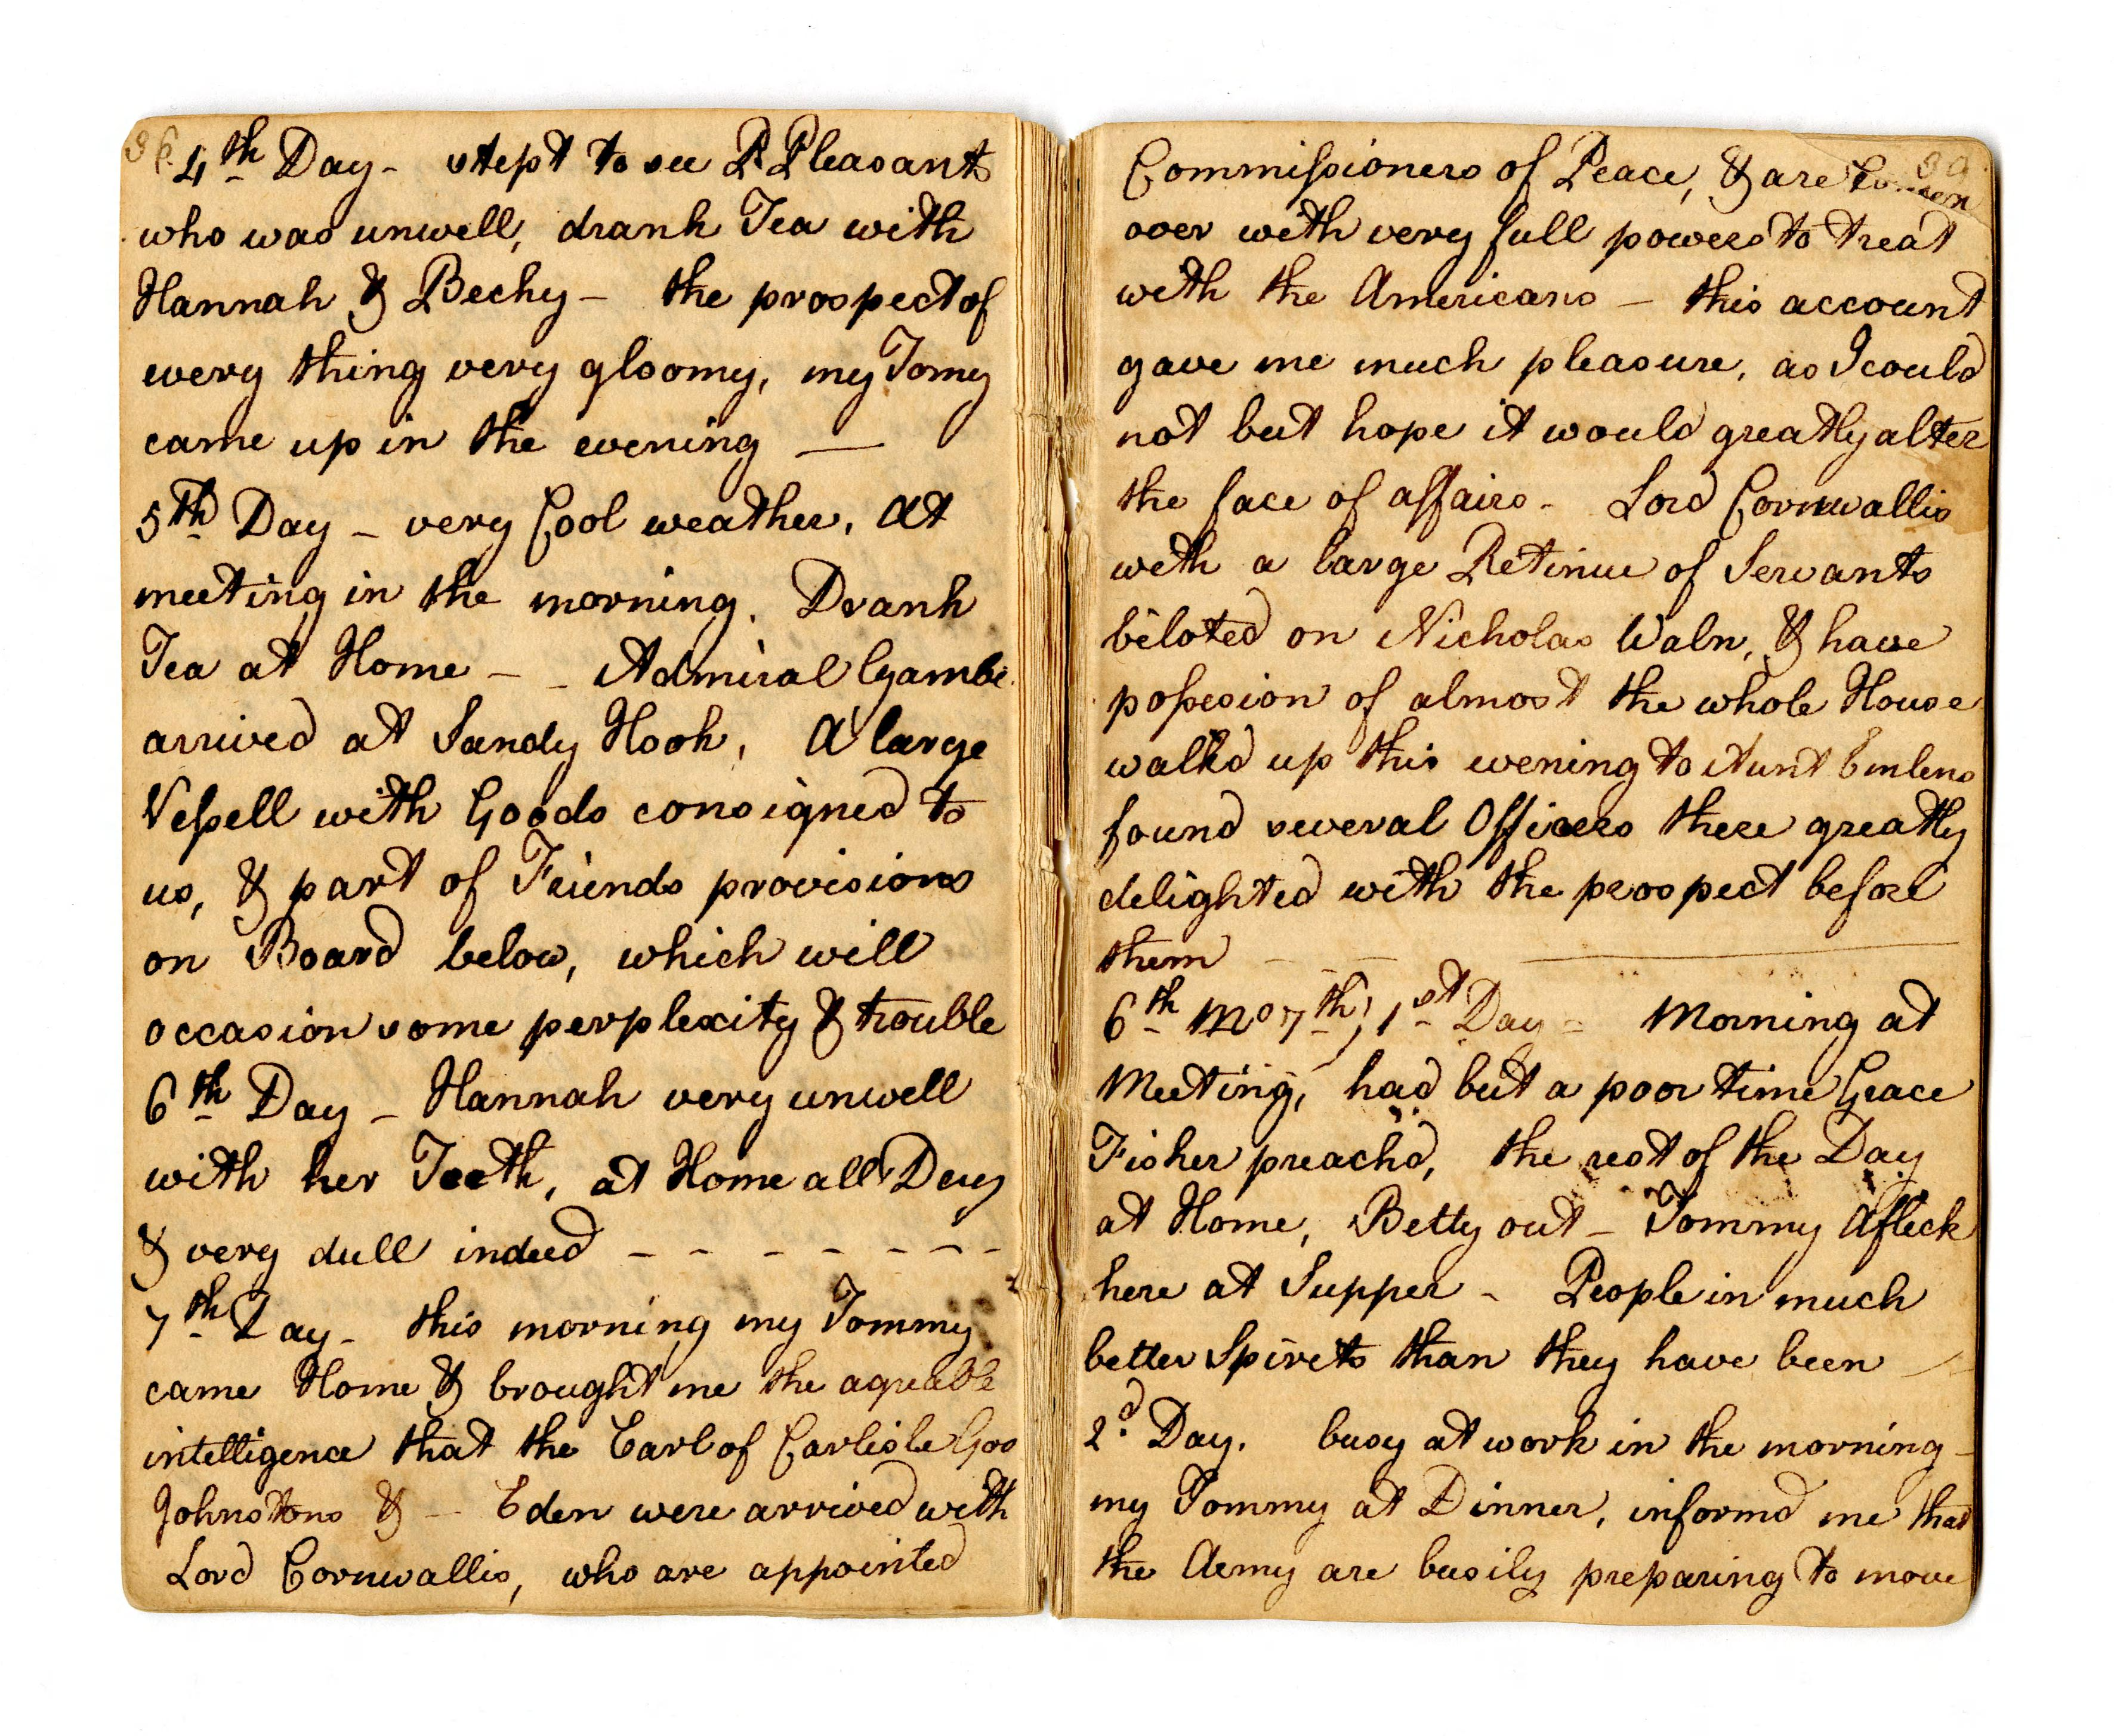36
4^th Day- stept to see P Pleasants
who wad unwell, drank Tea with
Hannah & Becky- the prospect of
every thing very gloomy, my Tomy
came up in the evening-
5^th Day- very Cool weather, at
meeting in the morning, Drank
Tea at Home- Admiral Gambe
arrived at Sandy Hook, A large
Vessell with Goods consigned to
us, & part of Friends provisions
on Board below, which will
occasion some perplexity & trouble
6^th Day- Hannah very unwell
with her Tooth, at Home all Day
& very dull indeed--
7^th Day. this morning my Tommy
came Home & brought me the agreabe
intelligence that the Earl of Carlisle Goo
Johnstons &- Eden were arrived with
Lord Cornwallis, who are appointed
Commissioners of Peace, & are [____]
over with very full powers to treat
with the Americans- this account
gave me much pleasure, as I could
not but hope it would greatly alter
the face of affairs. Lord Cornwallis
with a large Retinue of Servants
biloted on Nicholas Waln, & have
possesion of almost the whole House
walkd up this evening to Aunt Emlens
found several Officers there greatly
delighted with the prospect before
them-
6^th M^o7^th) 1^st Day- Morning at
Meeting, had but a poor time Grace
Fisher preachd, the rest of the Day
at Home, Betty out- Tommy Afleck
here at Supper- People in much
better Spirits than they have been-
2^d Day. busy at work in the morning.
my Tommy at Dinner, informd me that
the Army are busily preparing to move